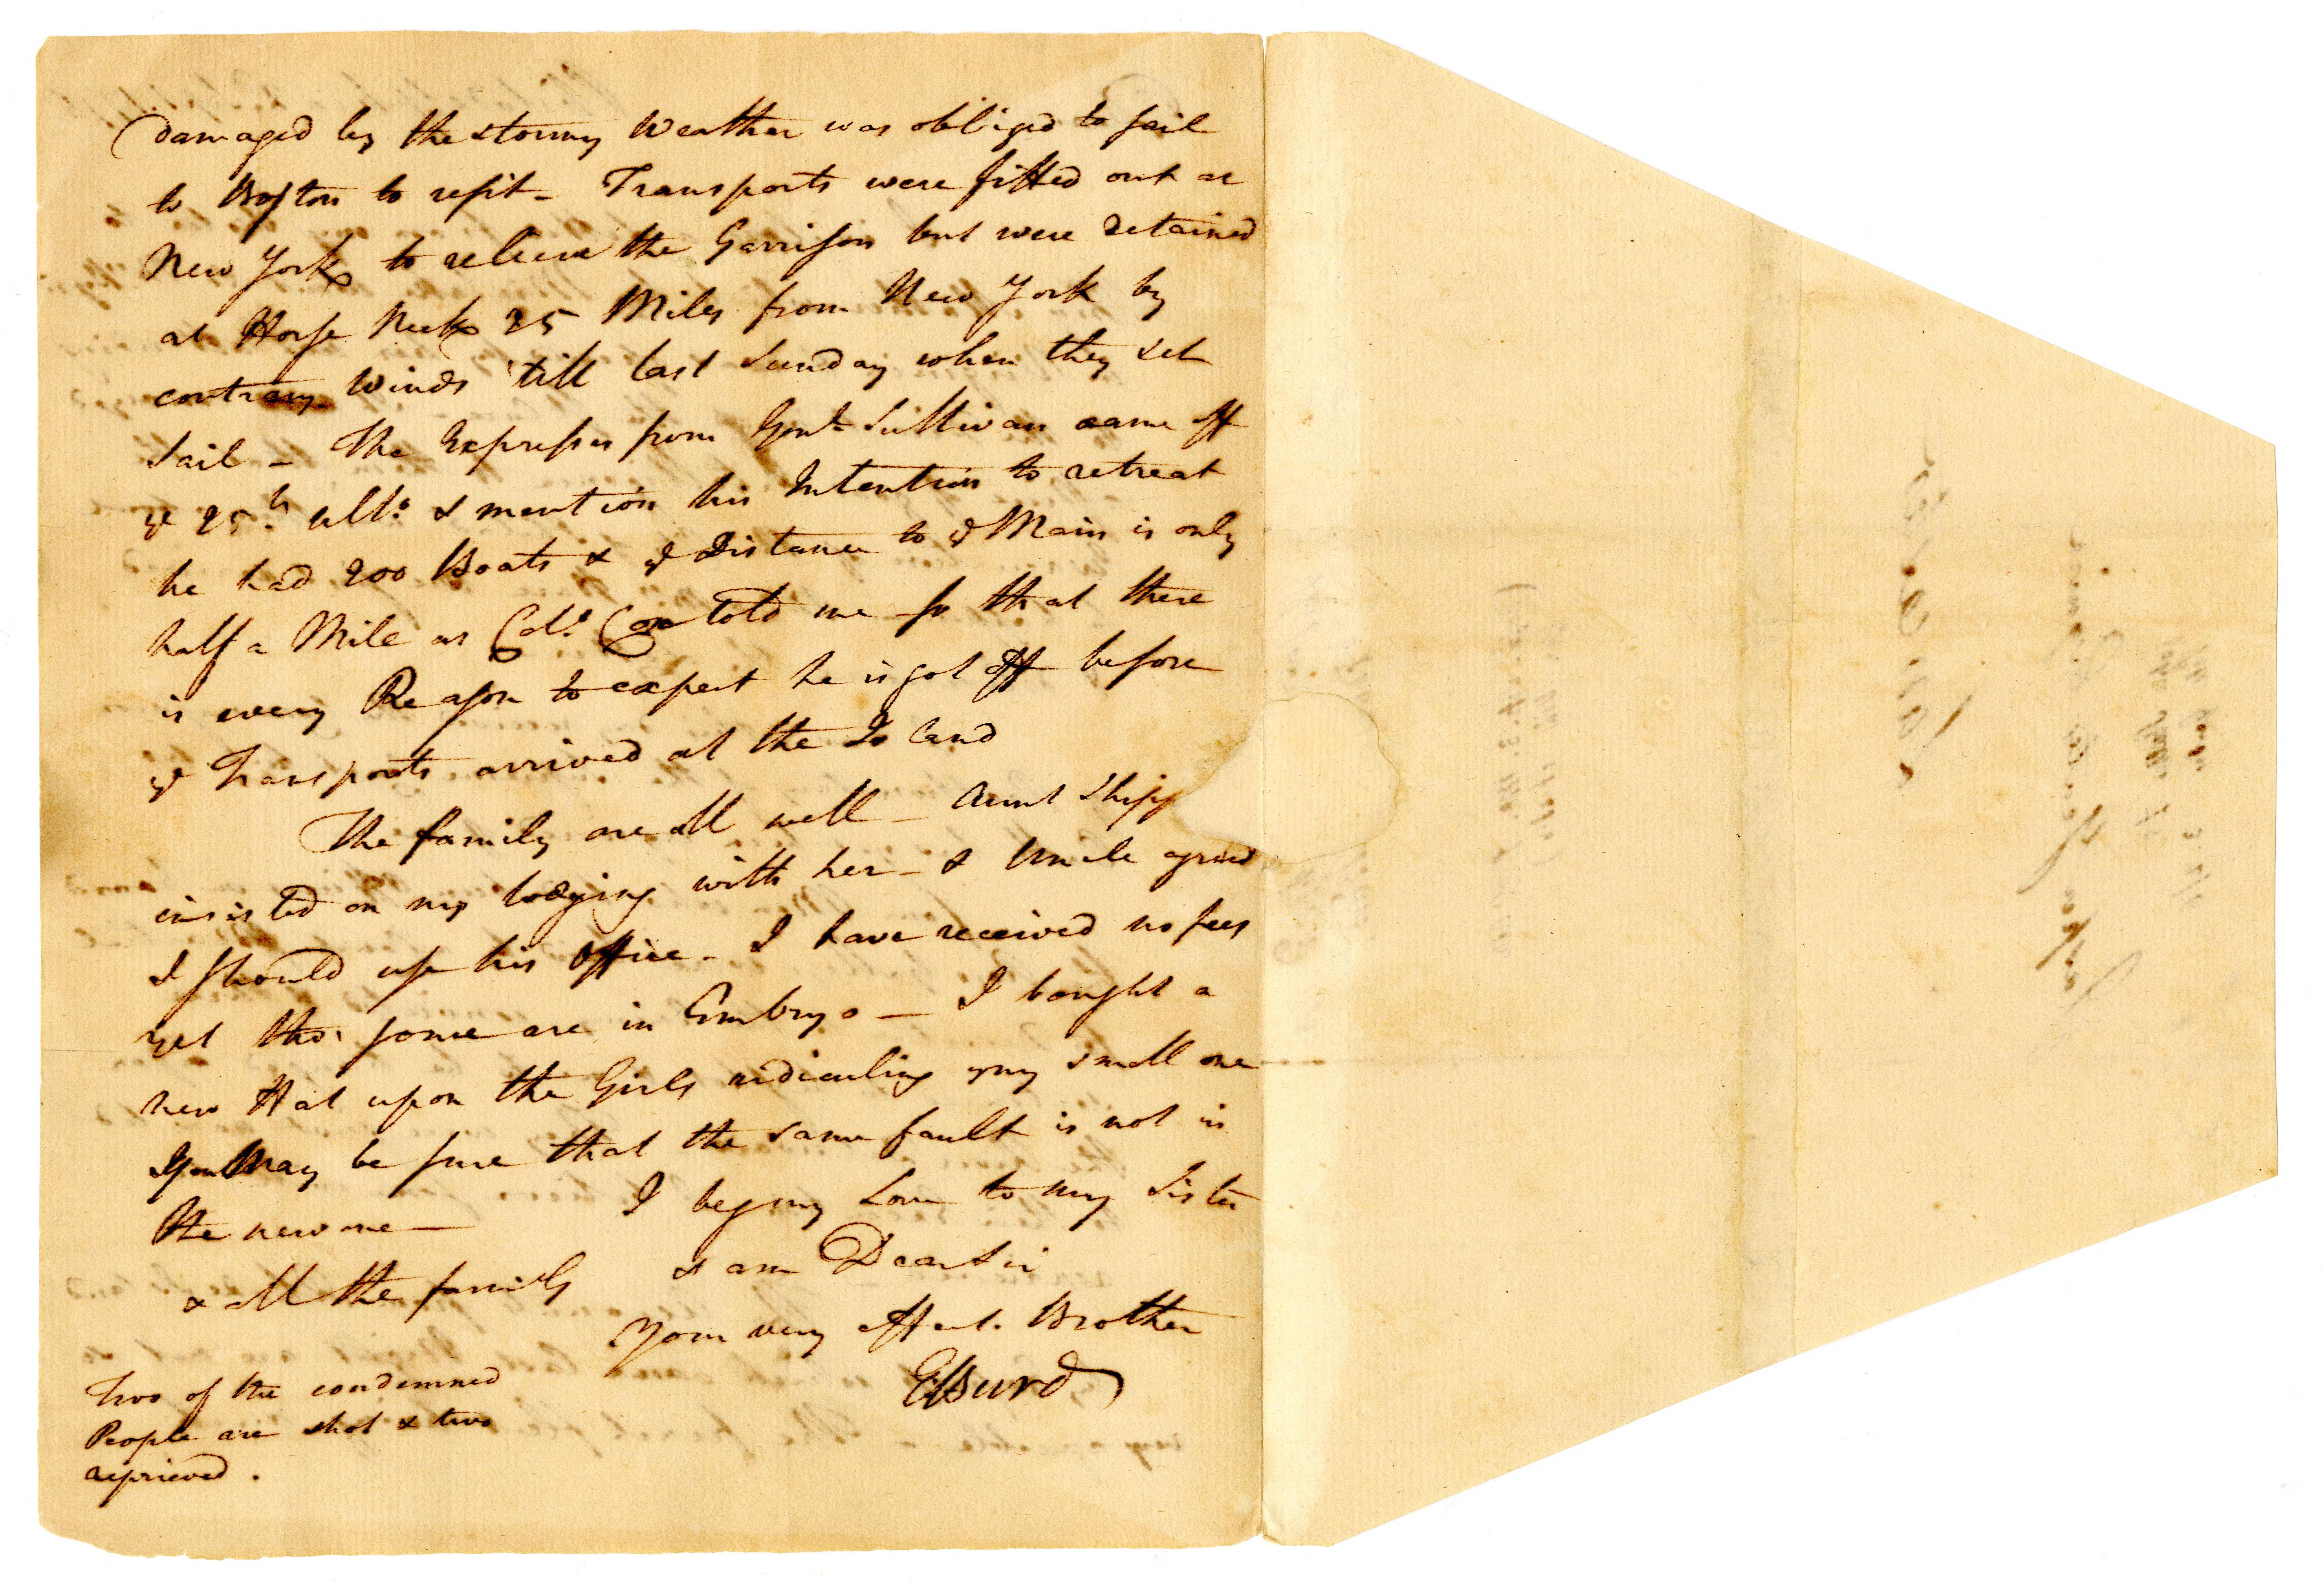damaged by the Strong Weather was obliged to sail
to Boston to rept. Transports were fitted out at
New York to relieve the Garrison but were detained
at Horse Neck 25 Miles from New York by
contrary Winds 'till last Sunday when they set
sail. The Expresses from Gen^l. Sullivan came off
ye 25^th ult^o & mention his Intention to retreat
he had 200 Boats & y^e Distance to Main is only
half a Mile as Col^o. Com told me so that there
is every Reason to expect he is sol off before
y^e Transports arrived at the Island.
The family are all well. Aunt Shipp-
-en is led on new lodging with her. & Uncle agreed
I should up his office. I have received no fees
yet tho' some are in Embryo. I bought a
new Hat upon the Girls ridiculing my small one
You may be sure that the same fault is not in
the new one.
I beg my Love to my Sister
& all the family
I am Dear Sir
your very affect. Brother
E. Burd
Two of the condemned
People are shot & two
reprieved.